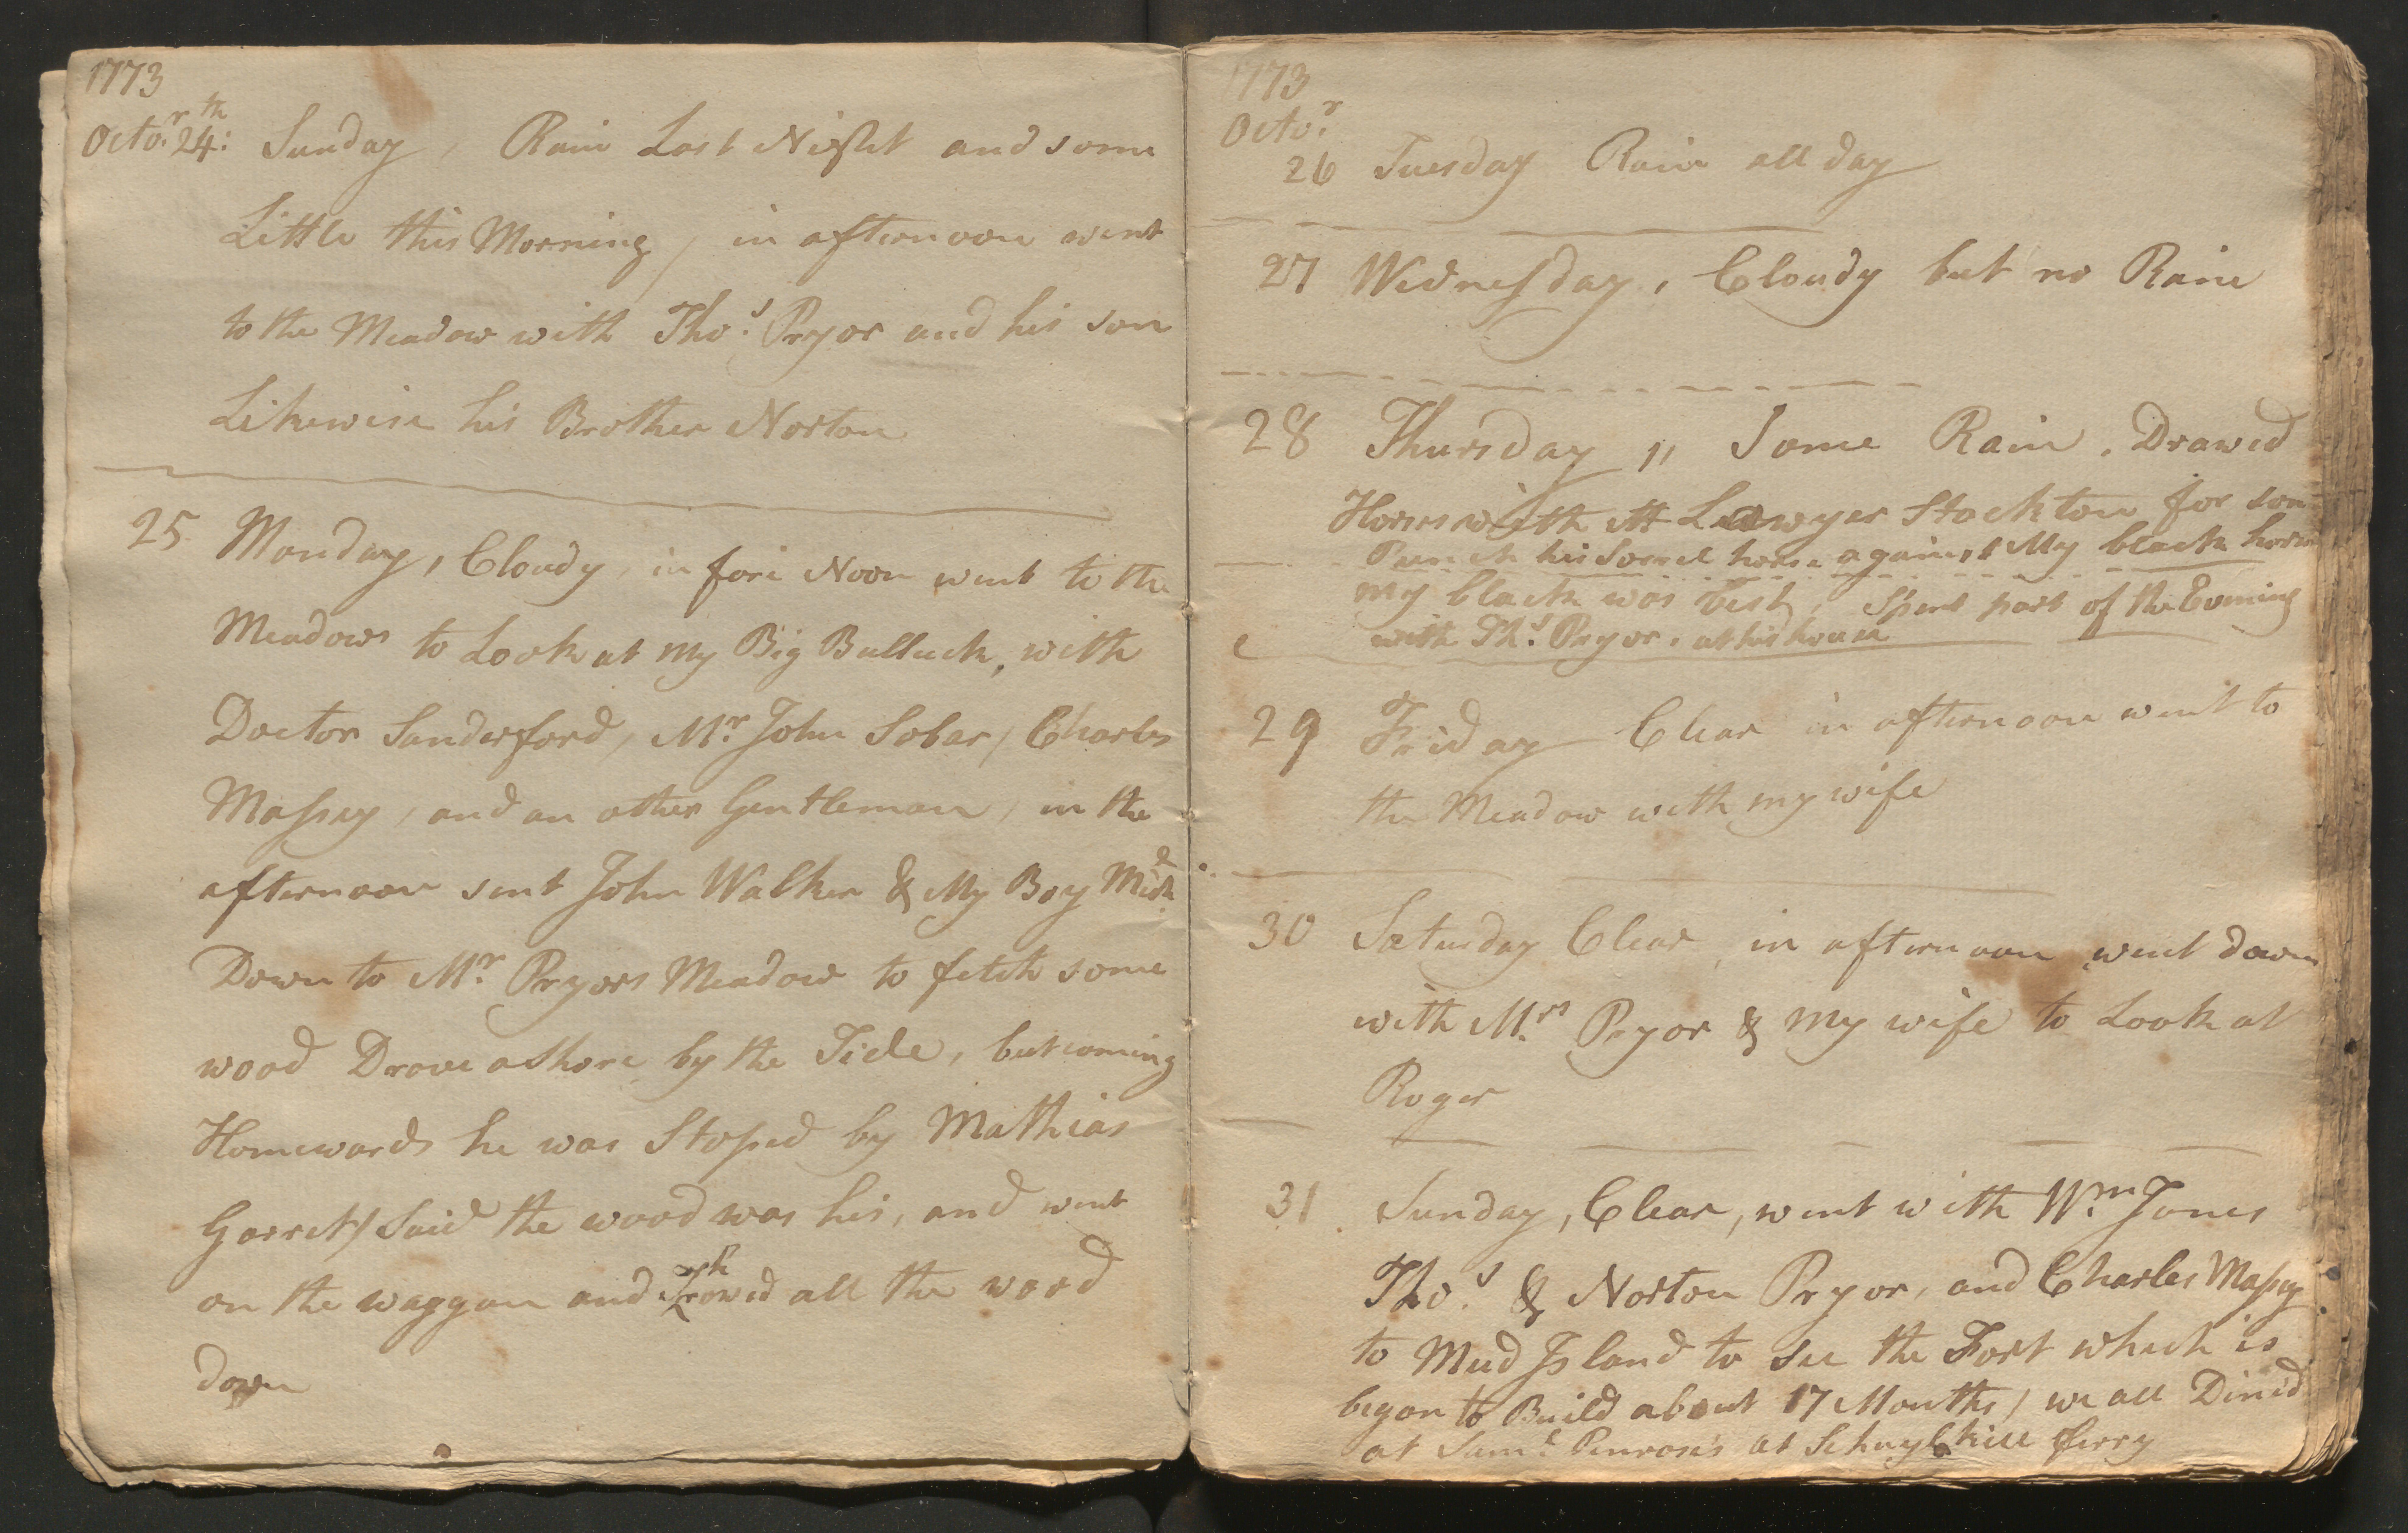1773
Octo^r. 24^th. Sunday Rain Last Night and some
Little this Morning, in afternoon went
to the Meadow with Tho^s. Pryor and his son
Likewise his Brother Norton
25 Monday, Cloudy in fore Noon went to the
Meadow to Look at my Big Bulluck with
Doctor Sanderford, M^r. John Sobar, Charles
Massey, and an other Gentlemen, in the
afternoon sent John Walker & My Boy Mich^l
Down to M^r. Pryors Meadow to fetch some
wood Drove a shore by the Tide, but coming
Homewards he was Stoped by Mathias
Garret / Said the wood was his, and went
on the waggon and Trowed all the wood
down
Octo^r.
1773
26 Tuesday Rain all day
27 Wednesday. Cloudy but no Rain
28 Thursday, Some Rain. Drawed
Horses with M Lawyer Stockton for son
Punch his sorrel horse against My black horse
my black was best, Spent part of the Evening
with Th^s. Pryor at his house
29 Friday Clear n afternoon went to
th Meadow with my wife
30 Saturday Clear in afternoon went down
with M^r. Pryor & My wife to Look at
Roger
31 Tunday, Clear, went with W^m. Jones
Tho^s. & Norton Pryor, and Charles Massey
to Mud Island to see the Fort which is
begon to Build about 17 Months, we all Dined
at Sam^l Penroses at Schuylkill ferry